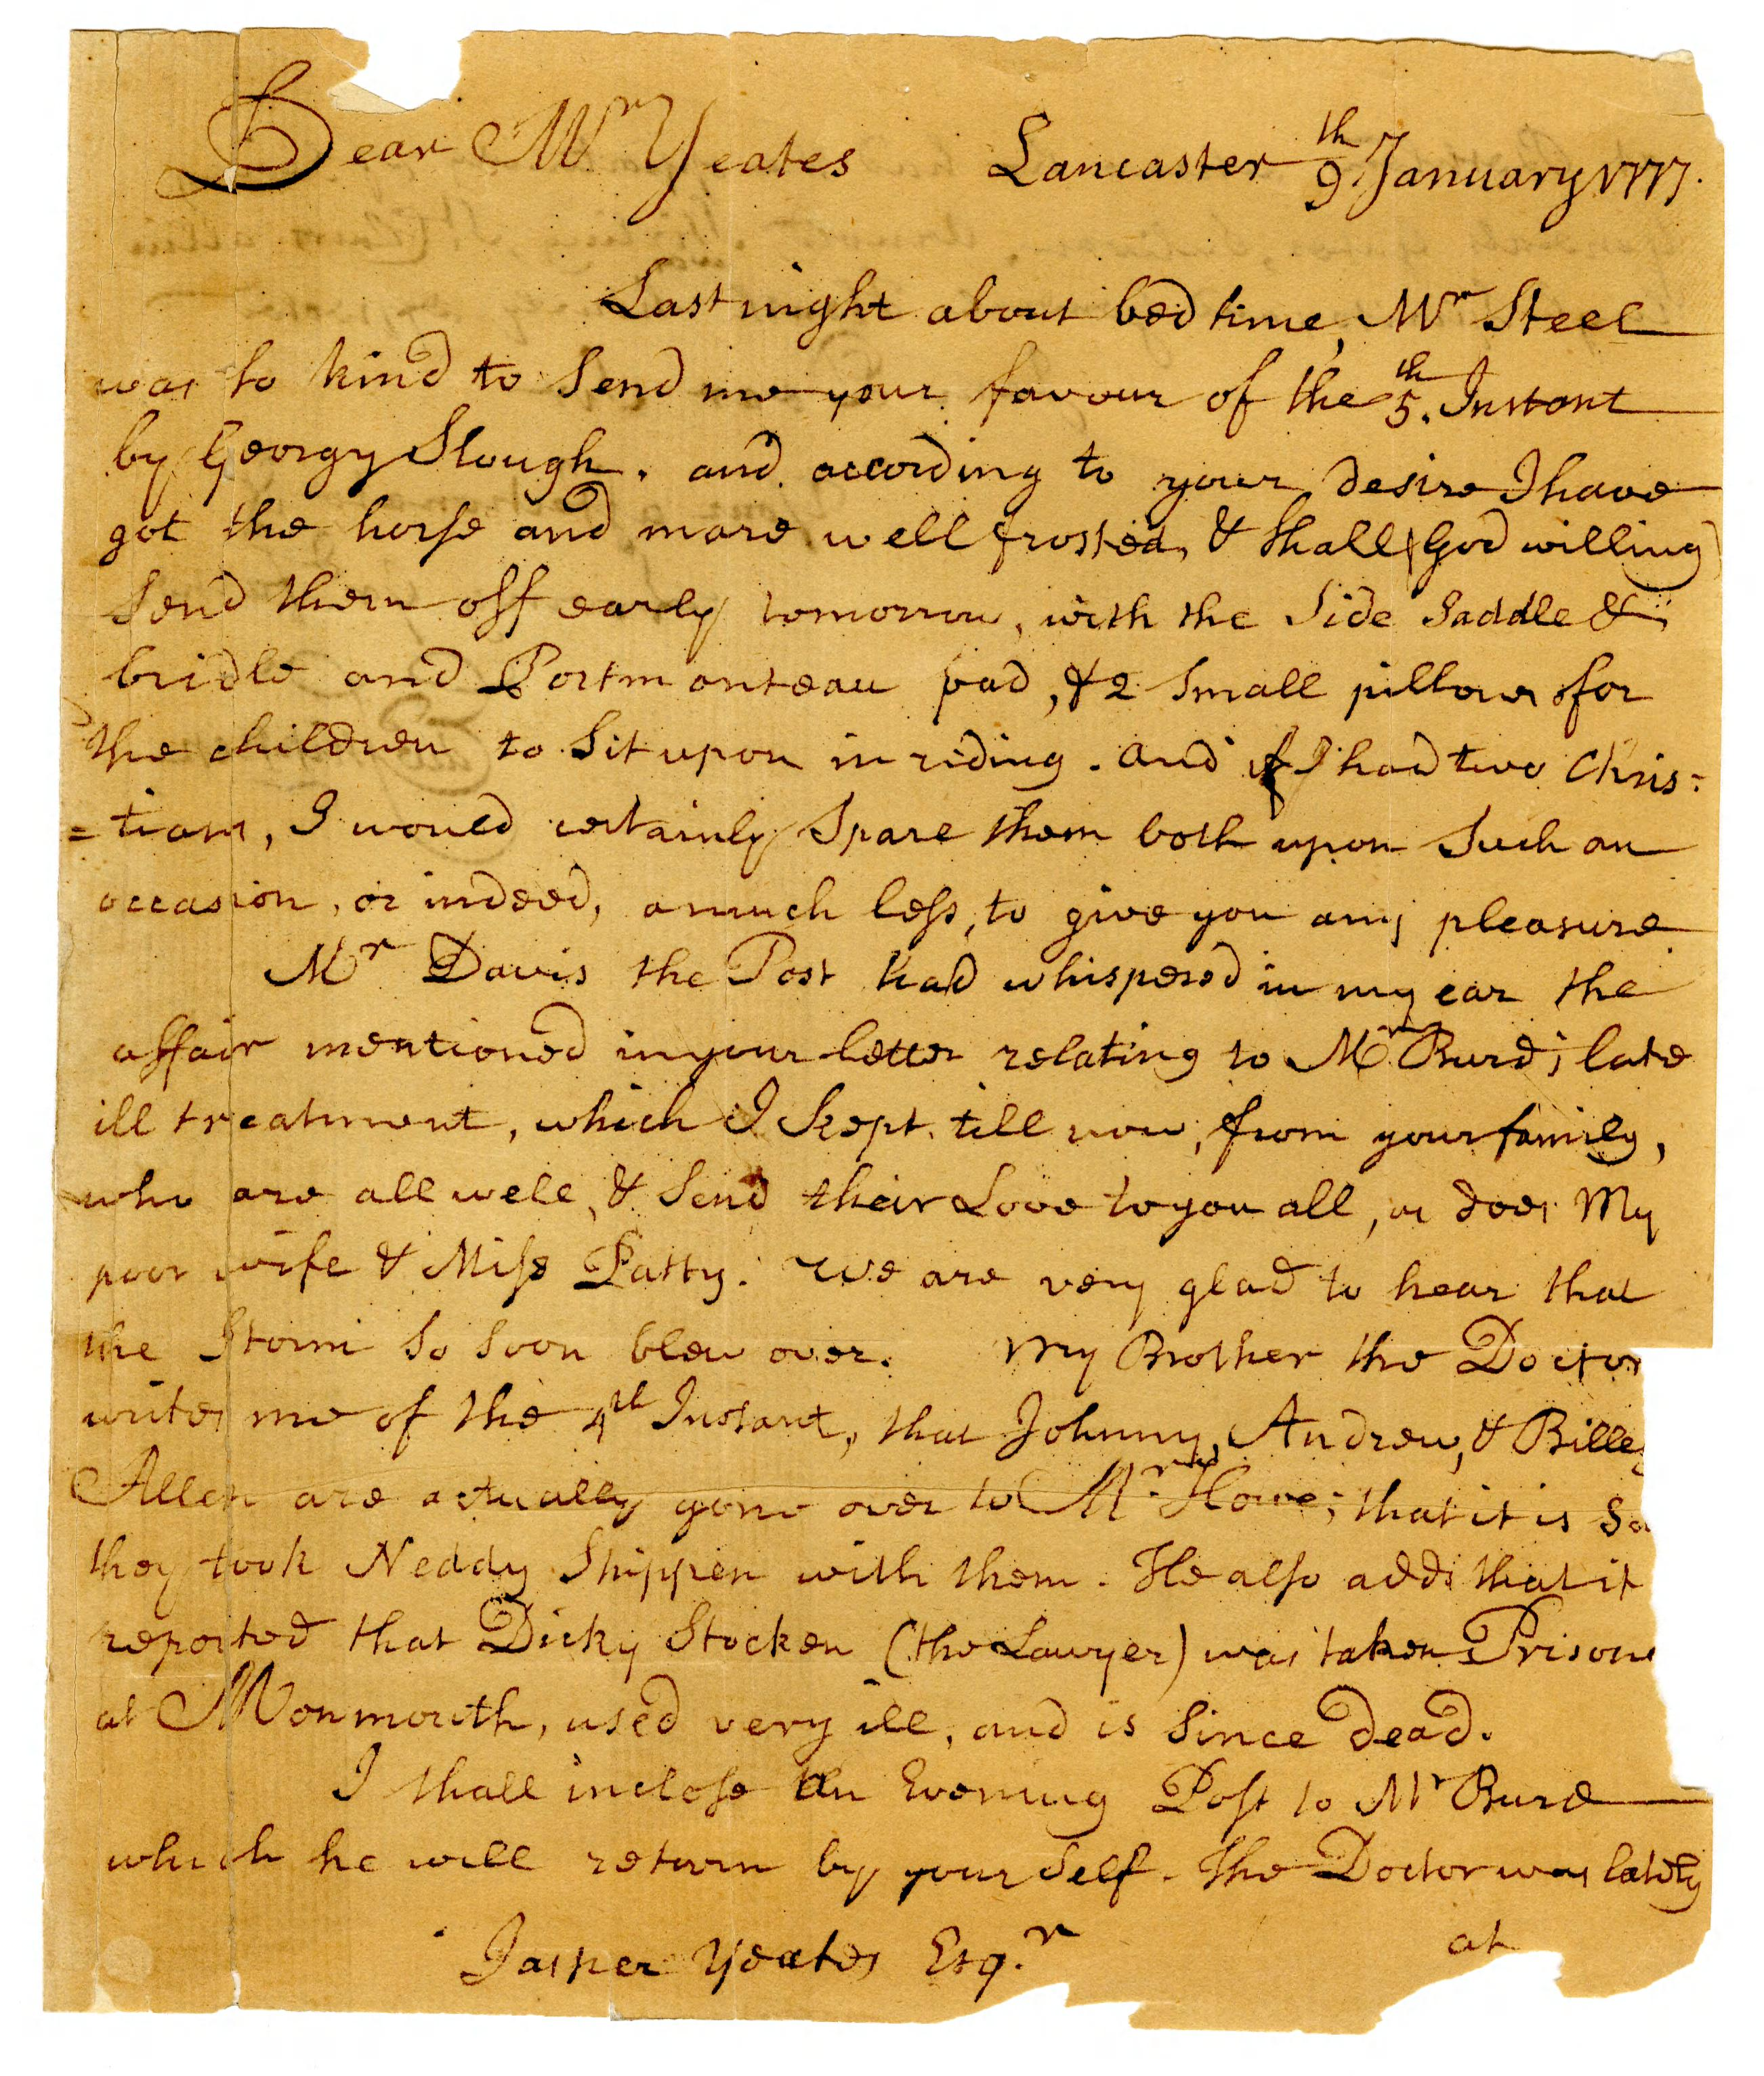Lancaster 9^th January 1777.
Dear M^r. Yeates
Last night about bed time M^r. Steel
was so kind to send me your favour of the 5^th. Instant
by Georgy Slough, and according to your desire I have
got the horse and mare well rested & Shall God willing
send them off early tomorrow, with the Side Saddle &
bridle and Portmanteau pad, & 2 Small pillows for
the children to Sit upon in riding, and if I had two chris-
-tians, I would certainly Spare them both upon such an
occasion, or indeed, a much loss to give you any pleasure
M^r Davis the Post had whispered in my ear the
affair mentioned in your letter relating to M^r Burd; take
ill treatment, which I kept till now from your family,
who are all well & Send their Love to you all, &c; My
poor wife & Miss Patty. We are very glad to hear that
the Storm so soon blow over. My Brother tho Doctor
write me of the 4^th Instant, that Johnny, Andrew, & Bille
Allen are actually going over to M^r Howe; that it is So
they took Neddy Shippen with them. He also adds that it
reported that Dicky Stocken (the Lawyer) was taken Prisoner
at Monmouth, used very ill, and is since dead.
I shall inclose an Evening Post to M^r Burd
which he will return by your self. The Doctor was lately
Jasper Yeates Esq^r.
at